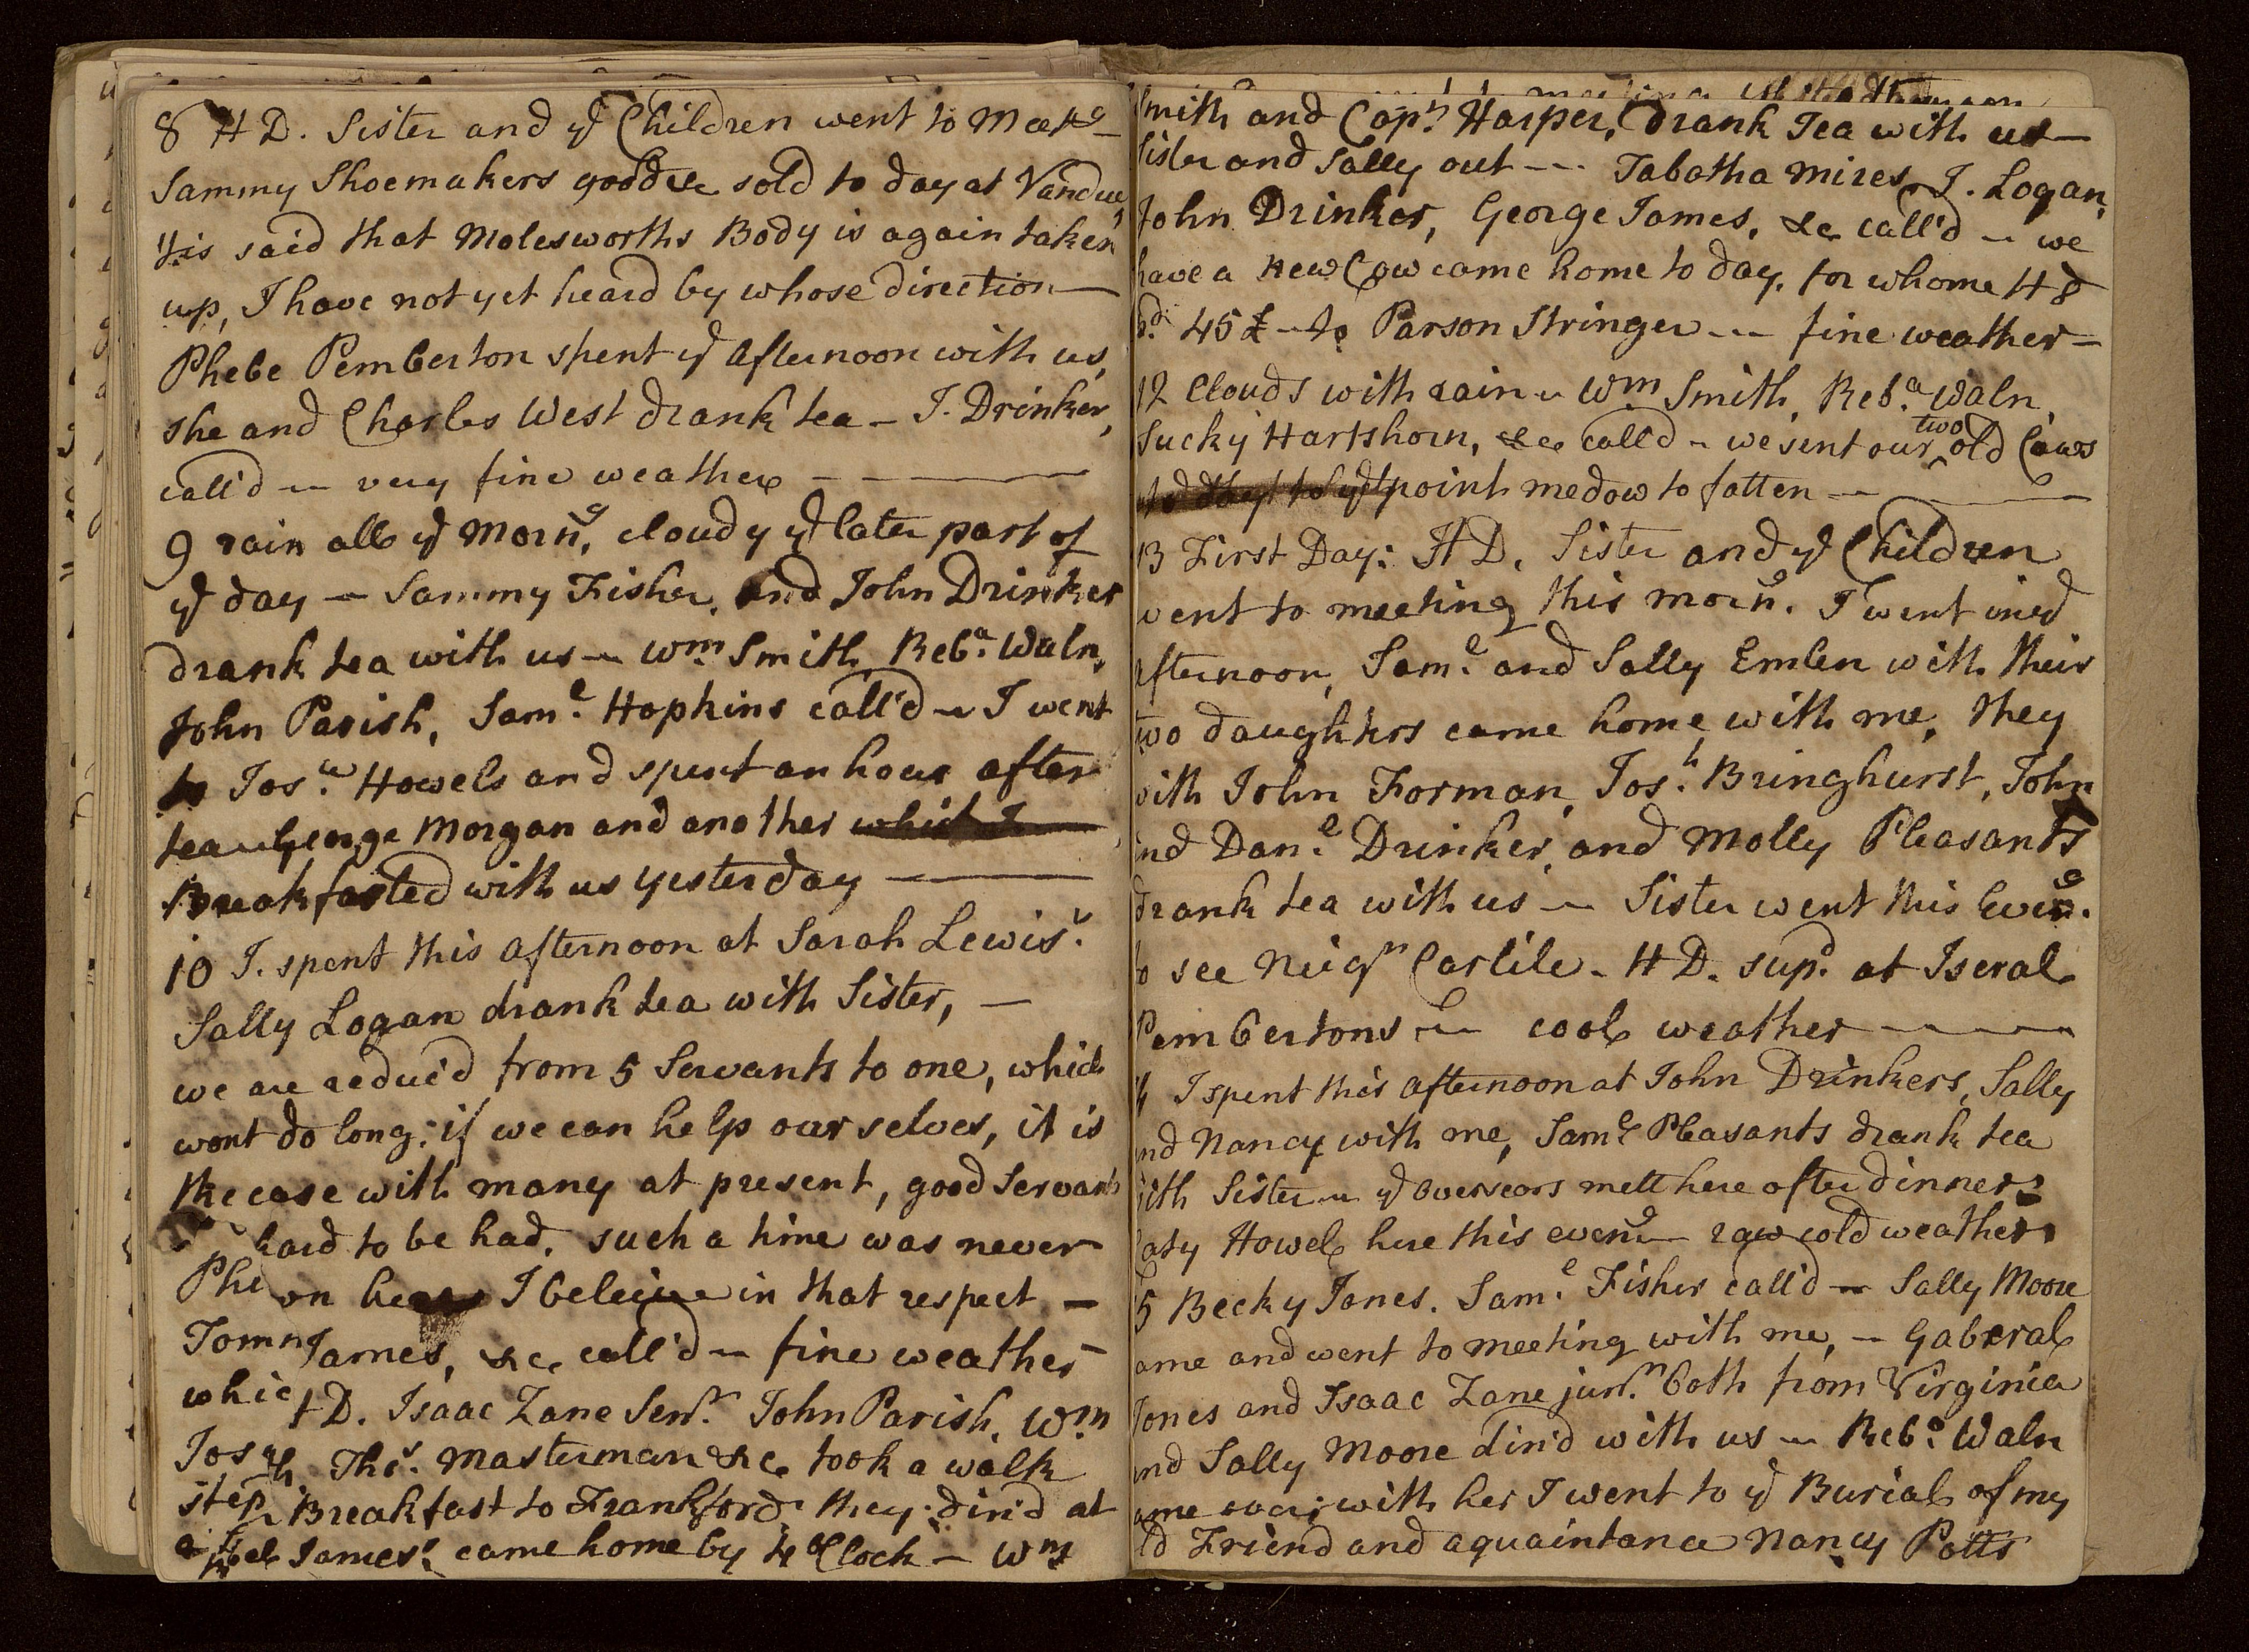8 HD sister and y^e Children went to Meet^g-
Sammy Shoemakers goed &c sold to day at Vandue
'tis said that Molesworths Body is again taken
up, I have not yet heard by whose direction-
Phebe Pemberton spent y^e afternoon with us,
she and Charles West drank tea- J. Drinker
call'd- very fine weather---
9 rain all y^e Morn^g, cloudy y^t later part of
y^e day- Sammy Fisher, and John Drinker
drank tea with us- W^m. Smith, Reb^a Waln,
John Parish, Sam^l. Hopkins call'd- I went
to Jos^a. Howels and spent an hour after
tea- Ginge Morgan and another which I
Breakfasted with us yesterday-
10 I spent this afternoon at Sarah Lewis.^s
Sally Logan drank tea with Sister,-
we are reduc'd from 5 Servants to one, which
wont do long: if we can help ourselves, it is
the case with many at present, good Servants
hard to be had, such a time was never
on here I beleive in that respect-
James, &c call'd- fine weather-
D. Isaac Zane Sen^r. John Parish, W.^m
h Tho^s. Masterman &c took a walk
Breakfast to Frankford they din'd at
bel James; came home by 4 ^oClock- W^m
Smith and Cap^n. Harper, drank Tea with us-
Sister and Sally out- Tabatha Mires, J. Logan,
John Drinker, George James, &c call'd- we
have a new Cow come home to day, for whome [H8]
5.^d 45£- to Parson Stringer-- fine weather-
I2 Clouds with rain- W^m Smith Reb^a Waln,
two
Sucky Hartshorn, &c call'd- we sent our ^ old Cows
to day to y^e point medow to fatten-
13 First Day: HD. Sister and y^e Children
went to meeting this morn^g. I went in y^e
Afternoon, Sam^l. and Sally Emlen with their
two daughters came home with me, they
with John Forman, Jos^h. Bringhurst, John
nd Dan^l Drinker and Molly Pleasants
drank tea with us- Sister went this Even.^g-
to see Neig^r Carlile. H D. sup^d. at Iseral
Pembertons- cool weather-
[14] I spent this afternoon at John Drinkers, Sally
and Nancy with one, Sam^l Pleasants drank tea
[_]ith Sister- y^e oversears mett here after dinner-
caty Howel here this even^g- raw cold weather
15 Becky Jones, Sam^l Fisher call'd- Sally Moore
ame and went to meeting with me.- Gaberal
Jones and Isaac Zane jun^r. both from Virginia
and Sally Moore din'd with us- Reb^a. Waln
ame over; with her I went to y^e Burial of my
ld Friend and aquaintance Nancy Potts